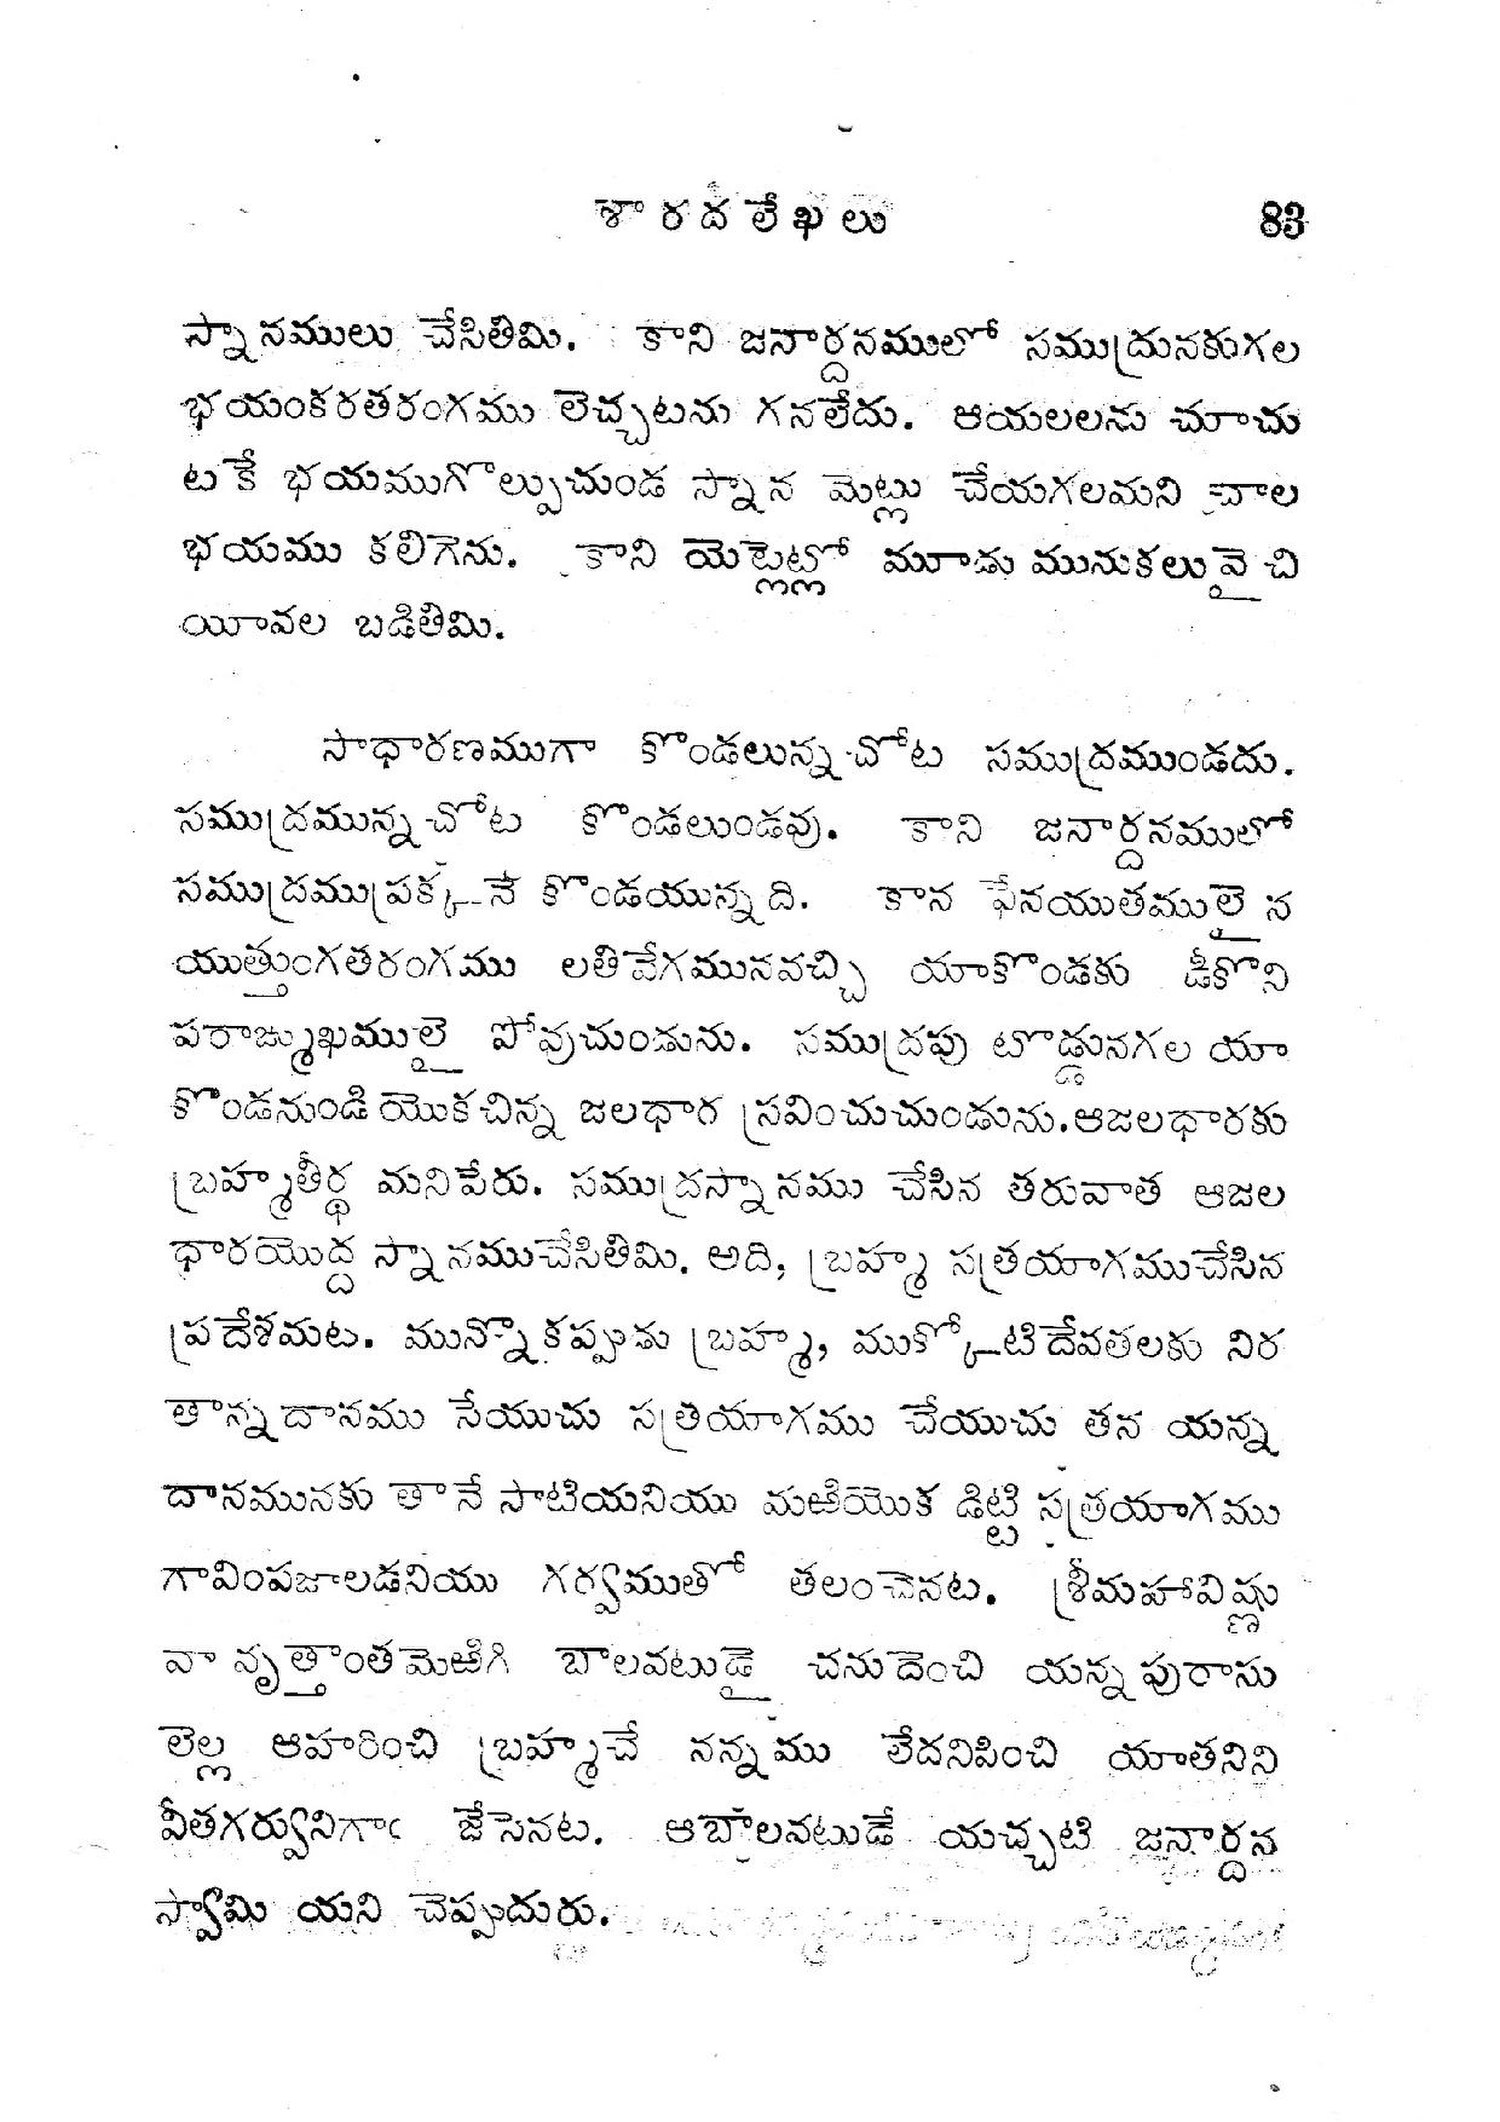స్నానములు చేసితిమి. కాని జనార్దనములో సముద్రునకుగల భయంకరతరంగము లెచ్చటను గనలేదు. ఆయలలను చూచుటకే భయముగొల్పుచుండ స్నాన మెట్లు చేయగలమని చాల భయము కలిగెను. కాని యెట్లెట్లో మూడు మునుకలువైచి యీవల బడితిమి.

సాధారణముగా కొండలున్నచోట సముద్రముండదు. సముద్రమున్నచోట కొండలుండవు. కాని జనార్దనములో
సముద్రముప్రక్కనే కొండయున్నది. కాన ఫేనయుతములైన యుత్తుంగతరంగము లతివేగమునవచ్చి యాకొండకు ఢీకొని పరాఙ్ముఖములై పోవుచుండును. సముద్రపు టొడ్డునగల యా కొండనుండి యొకచిన్న జలధార స్రవించుచుండును. ఆజలధారకు బ్రహ్మతీర్థ మనిపేరు. సముద్రస్నానము చేసిన తరువాత ఆజలధారయొద్ద స్నానము చేసితిమి, అది, బ్రహ్మ సత్రయాగముచేసిన ప్రదేశమట. మున్నొకప్పుడు బ్రహ్మ, ముక్కోటిదేవతలకు నిరతాన్నదానము సేయుచు సత్రయాగము చేయుచు తన యన్నదానమునకు తానే సాటియనియు మఱియొక డిట్టి సత్రయాగము గావింపజాలడనియు గర్వముతో తలంచెనట. శ్రీమహావిష్ణు
వా వృత్తాంతమెఱిగి బాలవటుడై చనుదెంచి యన్నపురాసులెల్ల ఆహరించి బ్రహ్మచే నన్నము లేదనిపించి యాతనిని వీతగర్వునిగాఁ జేసెనట. ఆబాలనటుడే యచ్చటి జనార్దనస్వామి యని చెప్పుదురు.